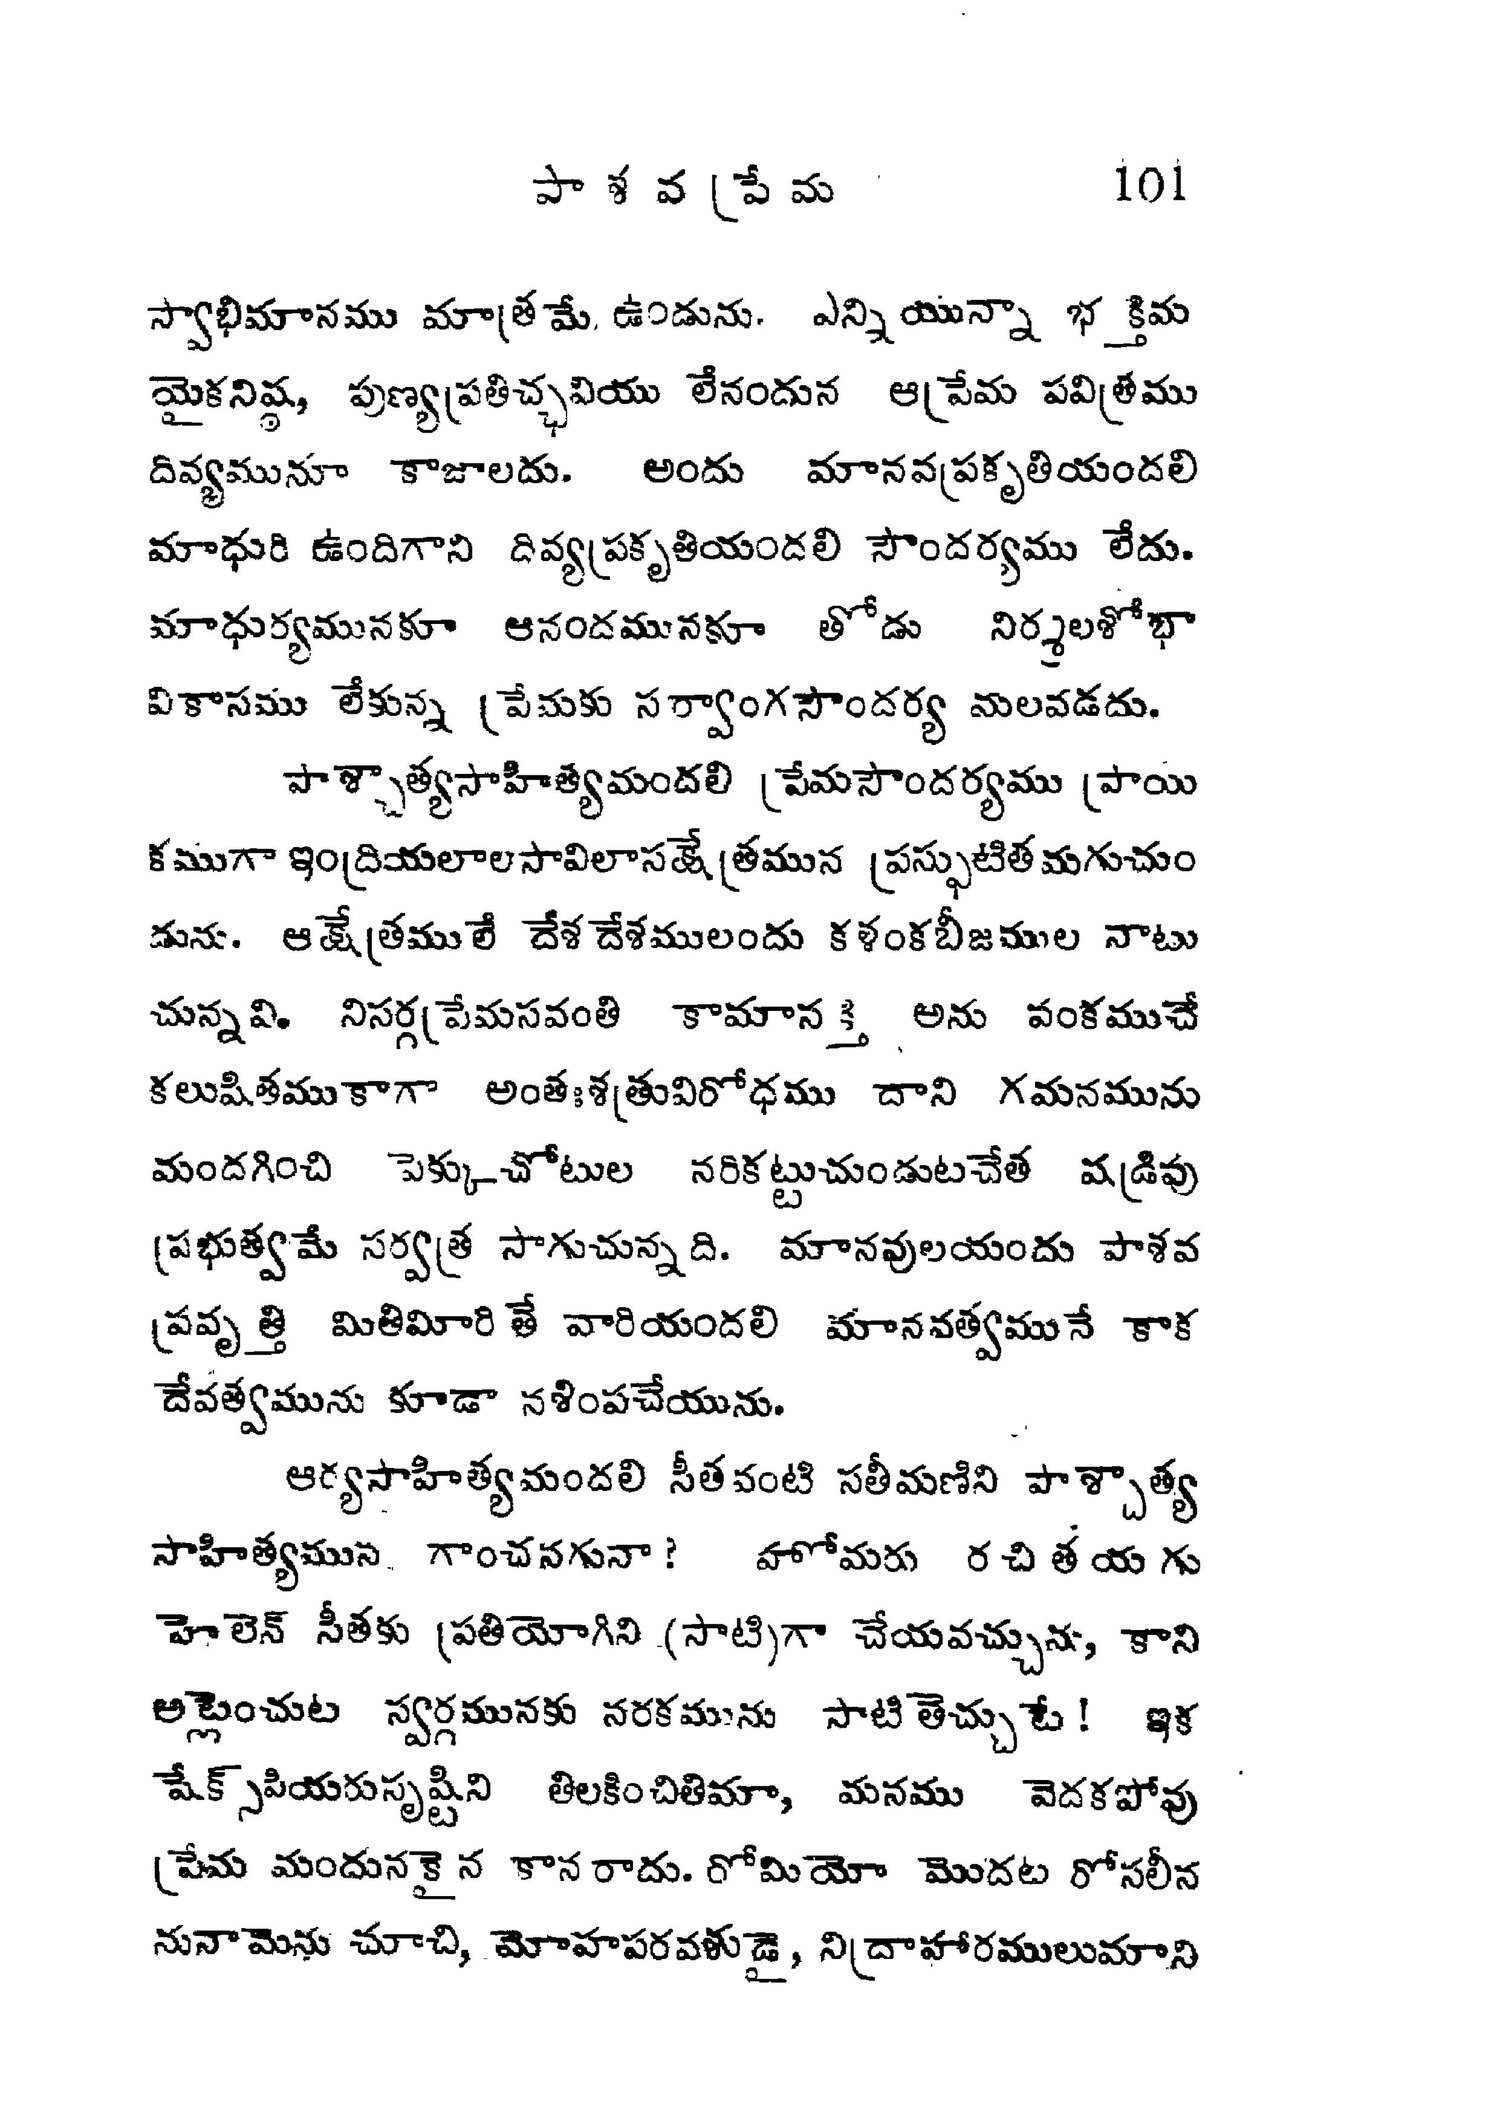స్వాభిమానము మాత్రమే ఉండును. ఎన్నియున్నా భక్తిమయైకనిష్ఠ, పుణ్యప్రతిచ్ఛవియు లేనందున ఆప్రేమ పవిత్రము దివ్యమునూ కాజాలదు. అందు మానవప్రకృతియందలి మాధురి ఉందిగాని దివ్యప్రకృతియందలి సౌందర్యము లేదు. మాధుర్యమునకూ ఆనందమునకూ తోడు నిర్మలశోభా వికాసము లేకున్న ప్రేమకు సర్వాంగసౌందర్య మలవడదు.

పాశ్చాత్యసాహిత్యమందలి ప్రేమసౌందర్యము ప్రాయికముగా ఇంద్రియలాలసావిలాసక్షేత్రమున ప్రస్ఫుటితమగుచుండును. ఆక్షేత్రములే దేశదేశములందు కళంకబీజముల నాటుచున్నవి. నిసర్గప్రేమసవంతి కామాసక్తి అను పంకముచే కలుషితముకాగా అంత:శత్రువిరోధము దాని గమనమును మందగించి పెక్కుచోటుల సరికట్టుచుండుటచేత షడ్రిపు ప్రభుత్వమే సర్వత్ర సాగుచున్నది. మానవులయందు పాశవ ప్రవృత్తి మితిమీరితే వారియందలి మానవత్వమునే కాక దేవత్వమును కూడా నశింపచేయును.

ఆర్యసాహిత్యమందలి సీతవంటి సతీమణిని పాశ్చాత్య సాహిత్యమున గాంచనగునా? హోమరు రచితయగు హెలెన్ సీతకు ప్రతియోగిని (సాటి)గా చేయవచ్చును, కాని అట్లెంచుట స్వర్గమునకు నరకమును సాటితెచ్చుటే! ఇక షేక్స్‌పియరుసృష్టిని తిలకించితిమా, మనము వెదకపోవు ప్రేమ మందునకైన కానరాదు. రోమియో మొదట రోసలీన నునామెను చూచి, మోహపరవశుడై, నిద్రాహారములుమాని